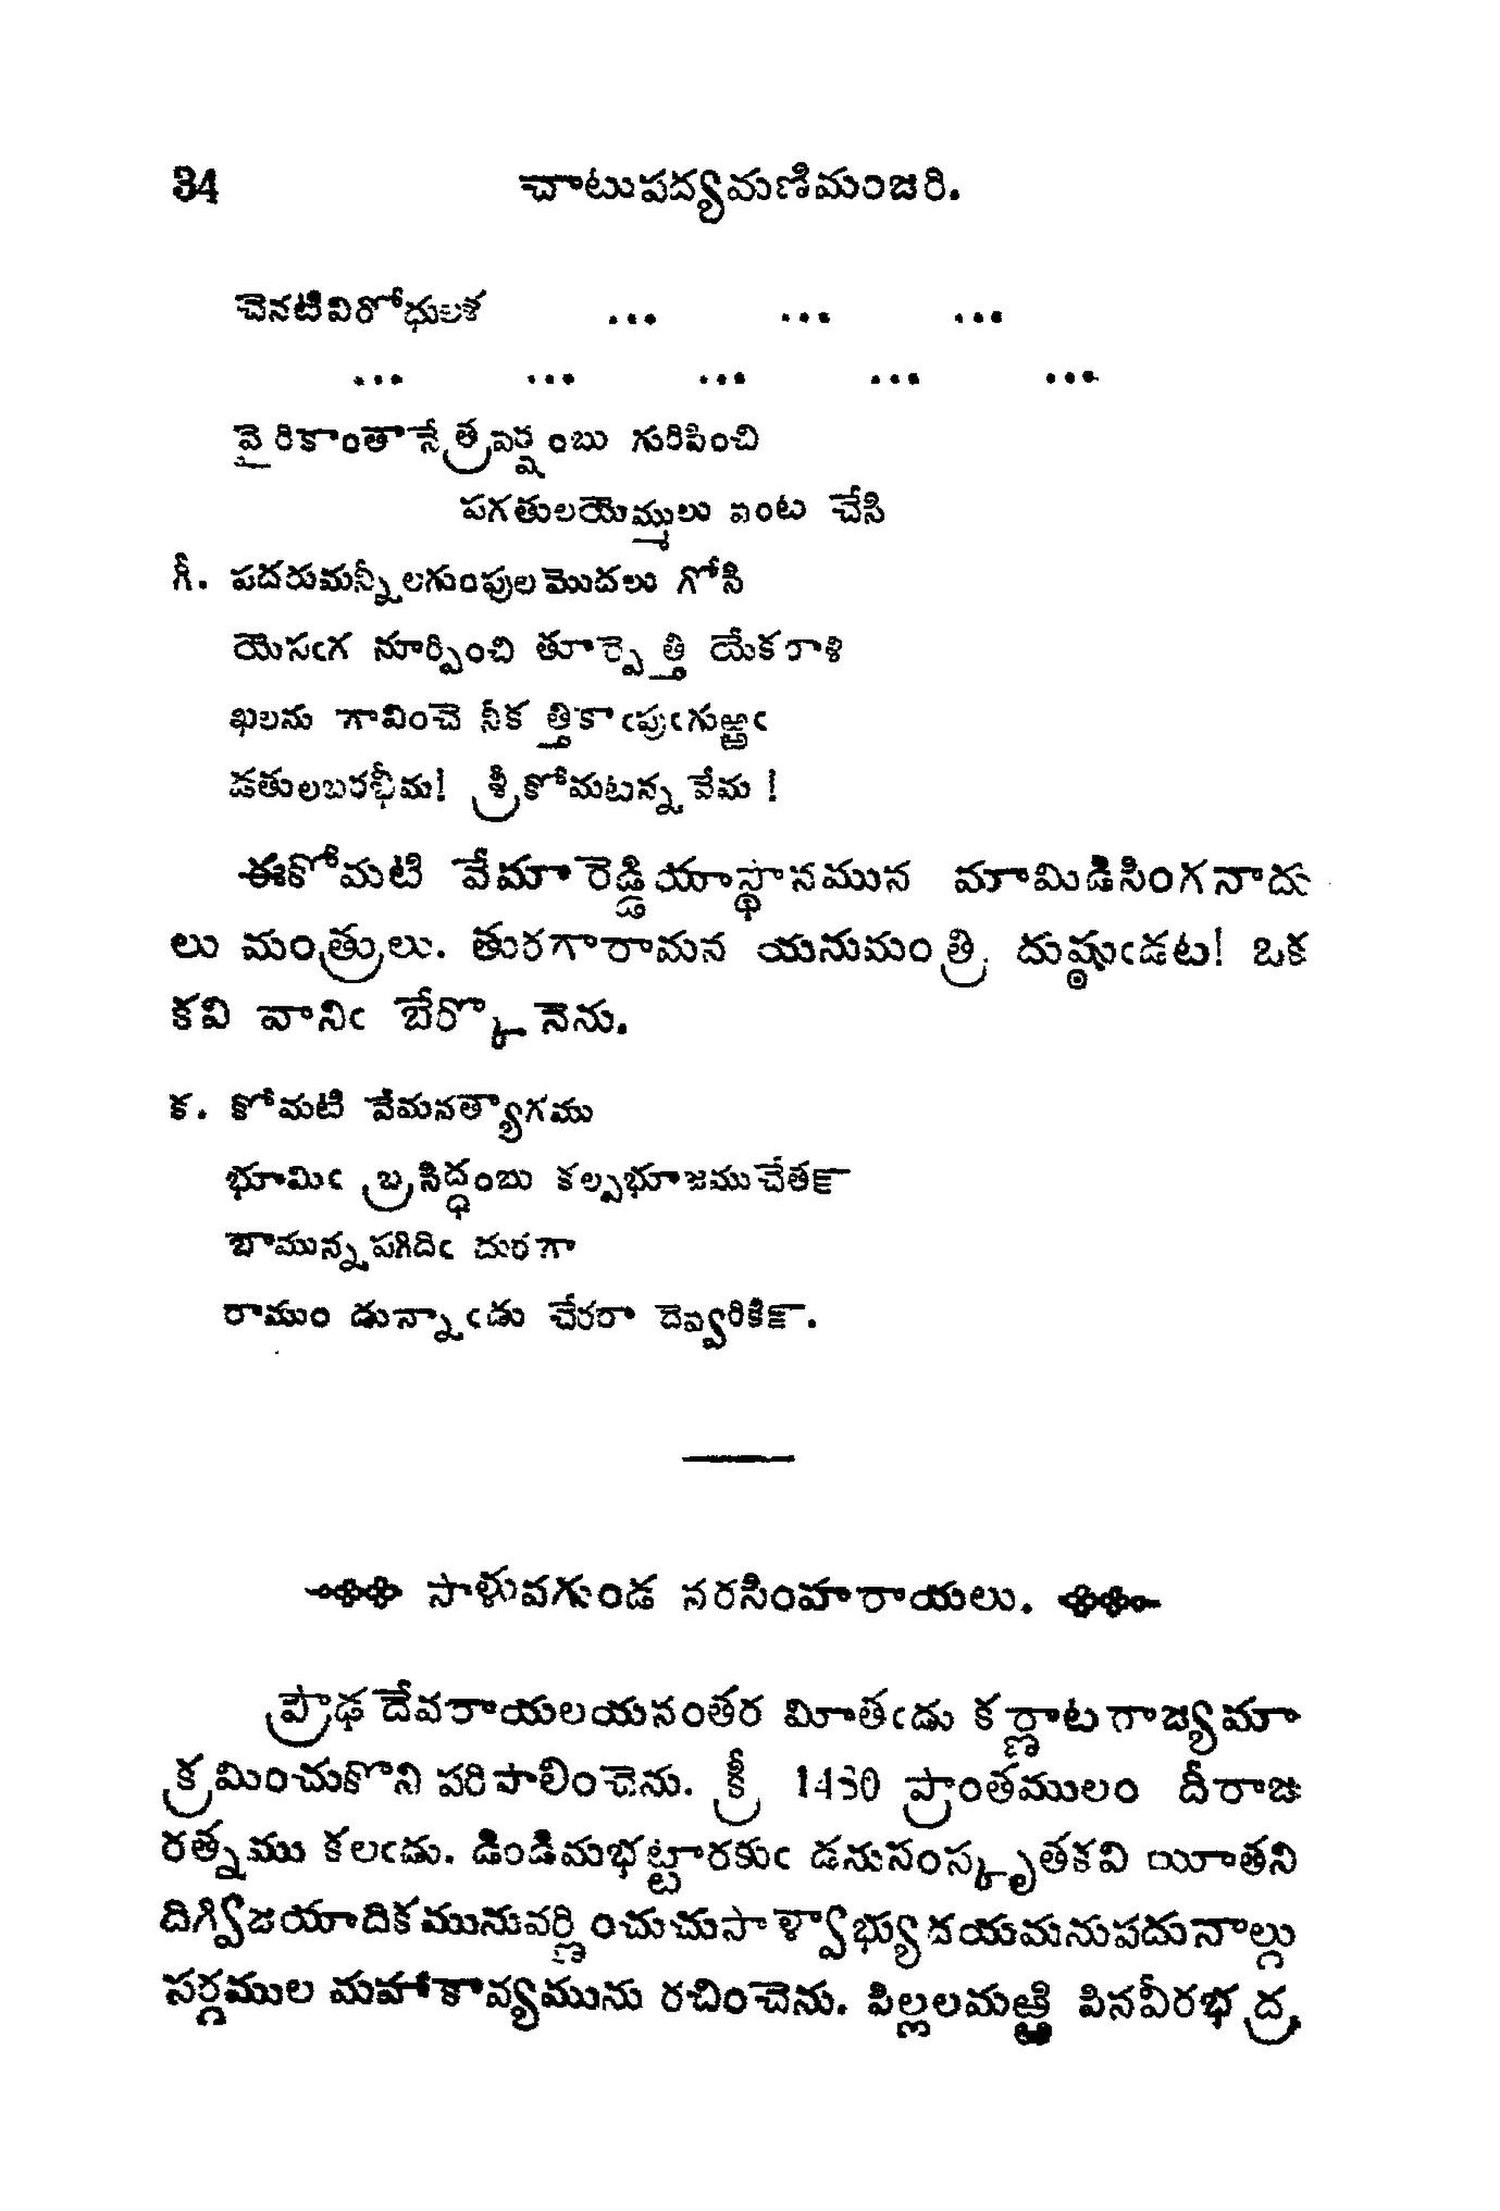చెనటి విరోధులశ.................
 .........................
 వైరికాంతానేత్రవర్షముల్ కురిపించి
 పగతుల యమ్ములు పంట చేసి
గీ. మొరయు మన్నీలగుంపుల మొదలు గోసి
 మెసఁగ నూరిచి తూర్పెత్తి యేకరాశి
 గాను గావించె నీకత్తి కాఁపులకొడుకు
 గాయ గోవాళ జగనొబ్బ గండవేమ.
ఈకోమటి వేమారెడ్డి యాస్థానమున మామిడిసింగనాదులు మంత్రులు. తురగారామన యనుమంత్రి దుష్టుఁడట! ఒకకవి వానిఁ బేర్కొనె.
క. కోమటి వేమనత్యాగము
 భూమిఁ బ్రసిద్ధంబు కల్పభూజముచేతన్
 బామున్నపగిదిఁ దురగా
 రాముం డున్నాఁడు చేరరా దెవ్వరికిన్.

ప్రౌఢదేవరాయలయనంతర మీతఁడు కర్ణాటరాజ్య మాక్రమించుకొని పరిపాలించెను. క్రీ.శ. 1480 ప్రాంతములందీరాజురత్నము కలఁడు. డిండిమభట్టారకుఁ డను సంస్కృతకవి యీతని దిగ్విజయాదికమును వర్ణించుచు సాళ్వాభ్యుదయ మను పదునాల్గు సర్గముల మహాకావ్యమును రచించెను. పిల్లలమఱ్ఱి పినవీరభద్ర